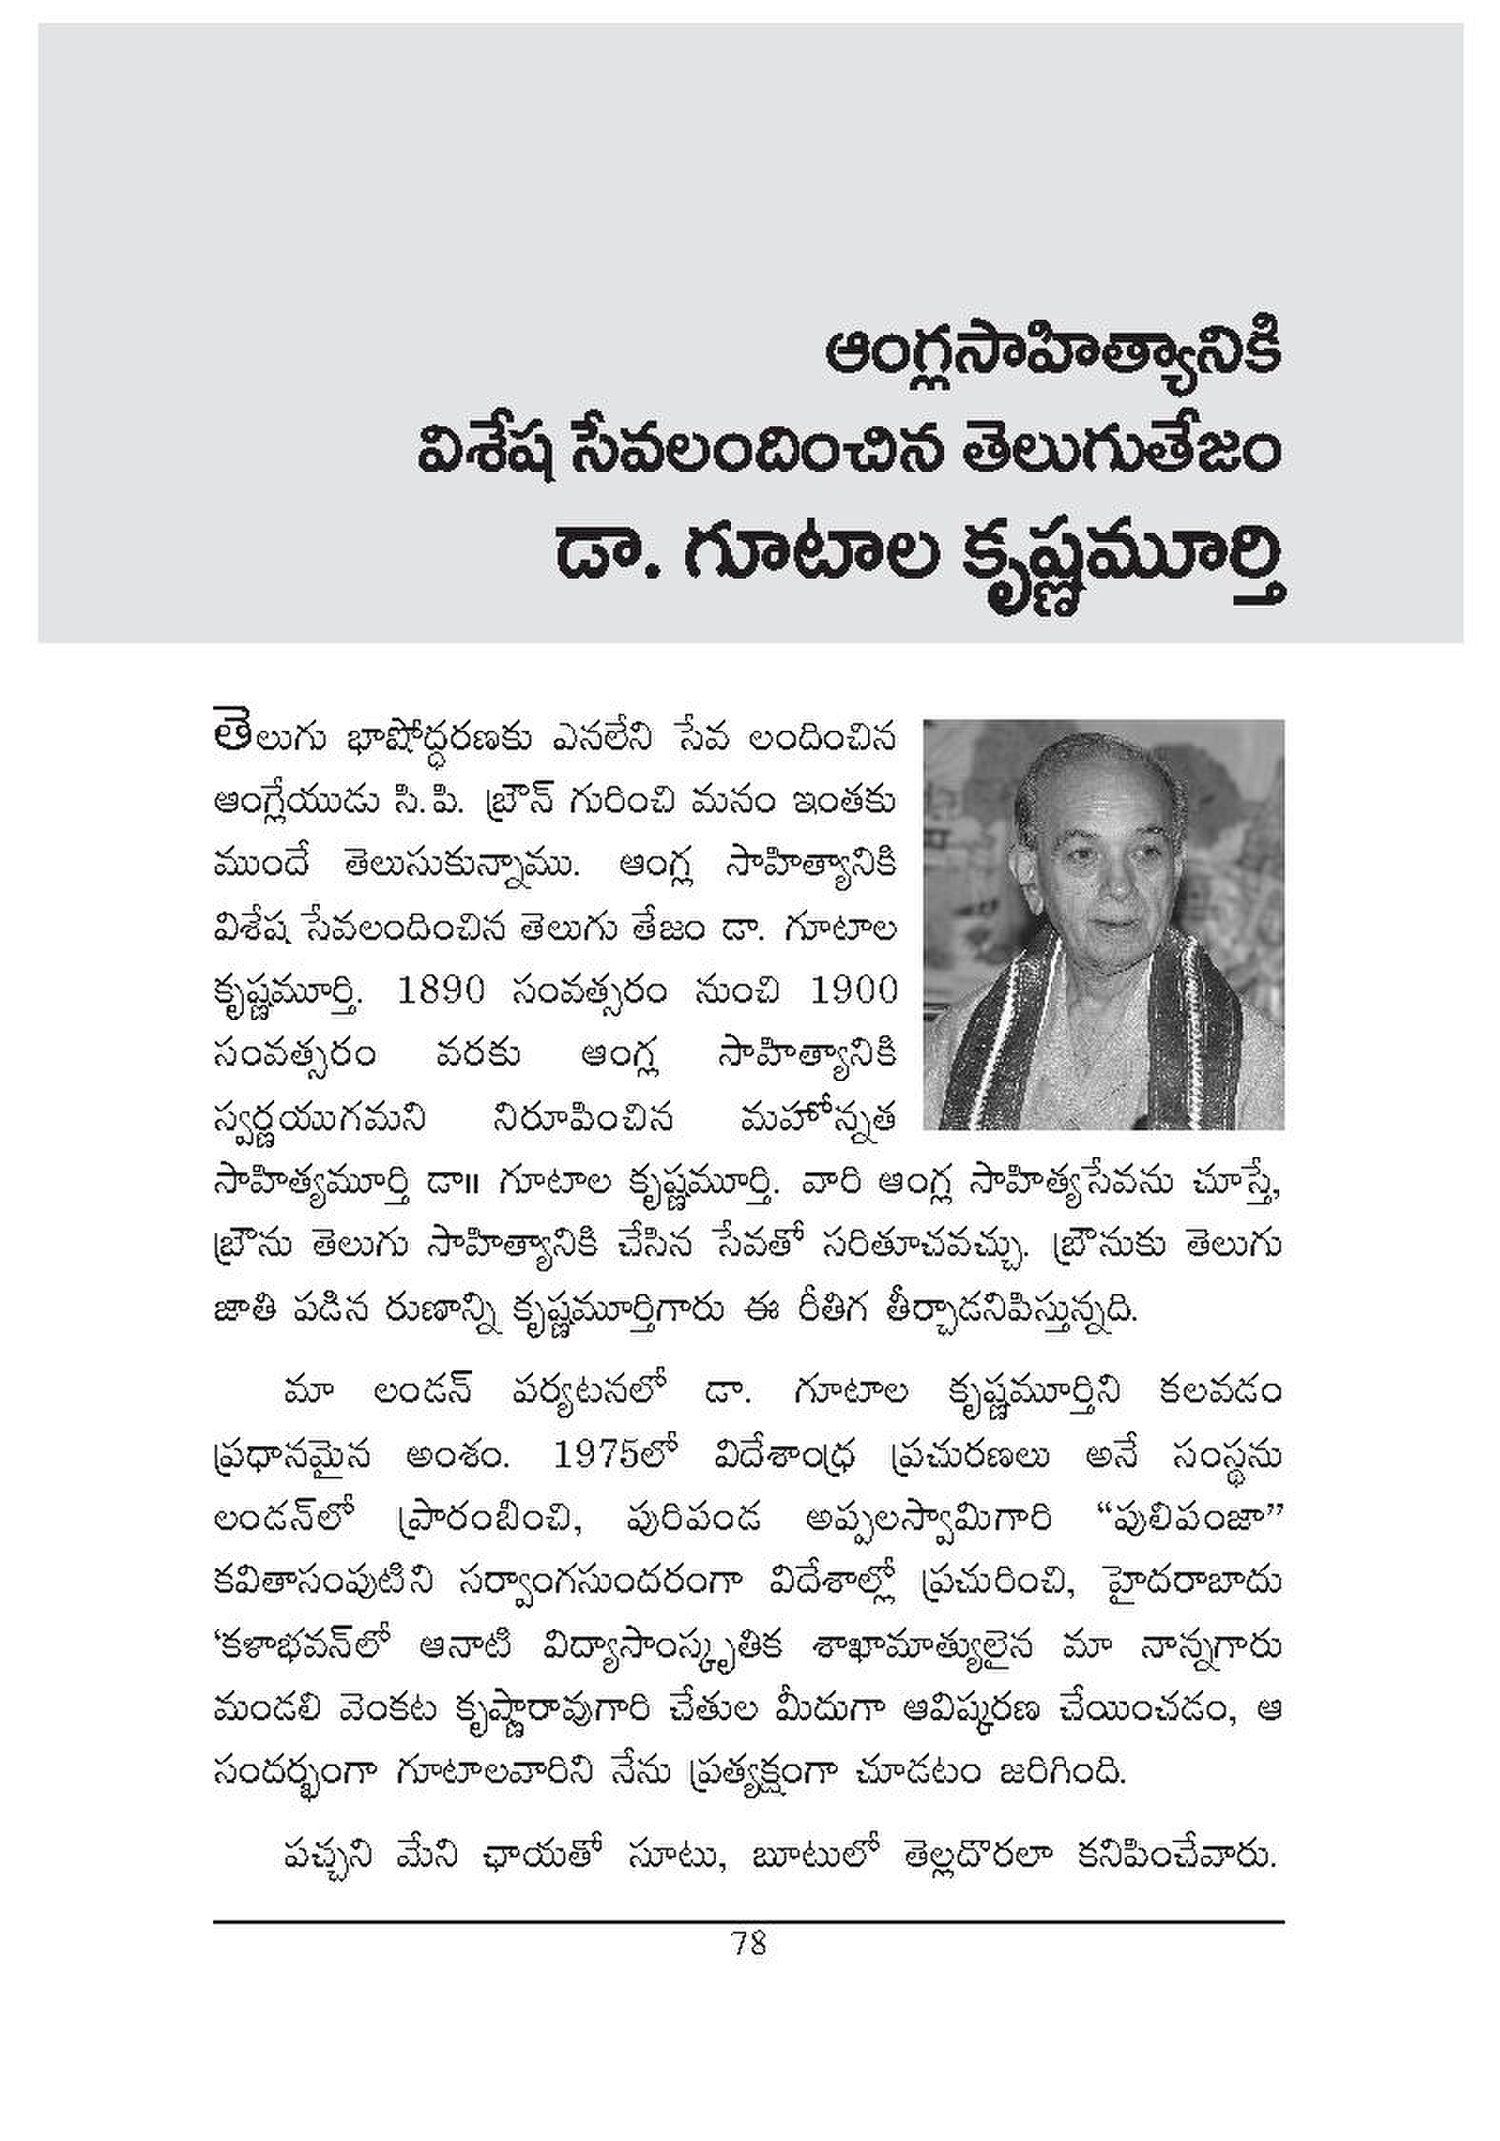తెలుగు భాషోద్ధరణకు ఎనలేని సేవ లందించిన ఆంగ్లేయుడు సి.పి. బ్రౌన్ గురించి మనం ఇంతకు ముందే తెలుసుకున్నాము. ఆంగ్ల సాహిత్యానికి విశేష సేవలందించిన తెలుగు తేజం డా. గూటాల కృష్ణంమూర్తి. 1890 సంవత్సరం నుంచి 1900 - సంవత్సరం వరకు ఆంగ్ల సాహిత్యానికి స్వర్ణయుగమని నిరూపించిన మహోన్నత సాహిత్యమూర్తి డా॥ గూటాల కృష్ణమూర్తి, వారి ఆంగ్ల సాహిత్యసేవను చూస్తే, బ్రౌను తెలుగు సాహిత్యానికి చేసిన సేవతో సరితూచవచ్చు. బ్రౌనుకు తెలుగు జాతి పడిన రుణాన్ని కృష్ణమూర్తిగారు ఈ రీతిగ తీర్చాడనిపిస్తున్నది.

మా లండన్ పర్యటనలో డా. గూటాల కృష్ణమూర్తిని కలవడం ప్రధానమైన అంశం. 1975లో విదేశాంధ్ర ప్రచురణలు అనే సంస్థను లండన్లో ప్రారంబించి, పురిపండ అప్పలస్వామిగారి "పులిపంజా" కవితాసంపుటిని సర్వాంగసుందరంగా విదేశాల్లో ప్రచురించి, హైదరాబాదు 'కళాభవన్లో ఆనాటి విద్యాసాంస్కృతిక శాఖామాత్యులైన మా నాన్నగారు మండలి వెంకట కృష్ణారావుగారి చేతుల మీదుగా ఆవిష్కరణ చేయించడం, ఆ సందర్భంగా గూటాలవారిని నేను ప్రత్యక్షంగా చూడటం జరిగింది.

పచ్చని మేని ఛాయతో సూటు, బూటులో తెల్లదొరలా కనిపించేవారు.